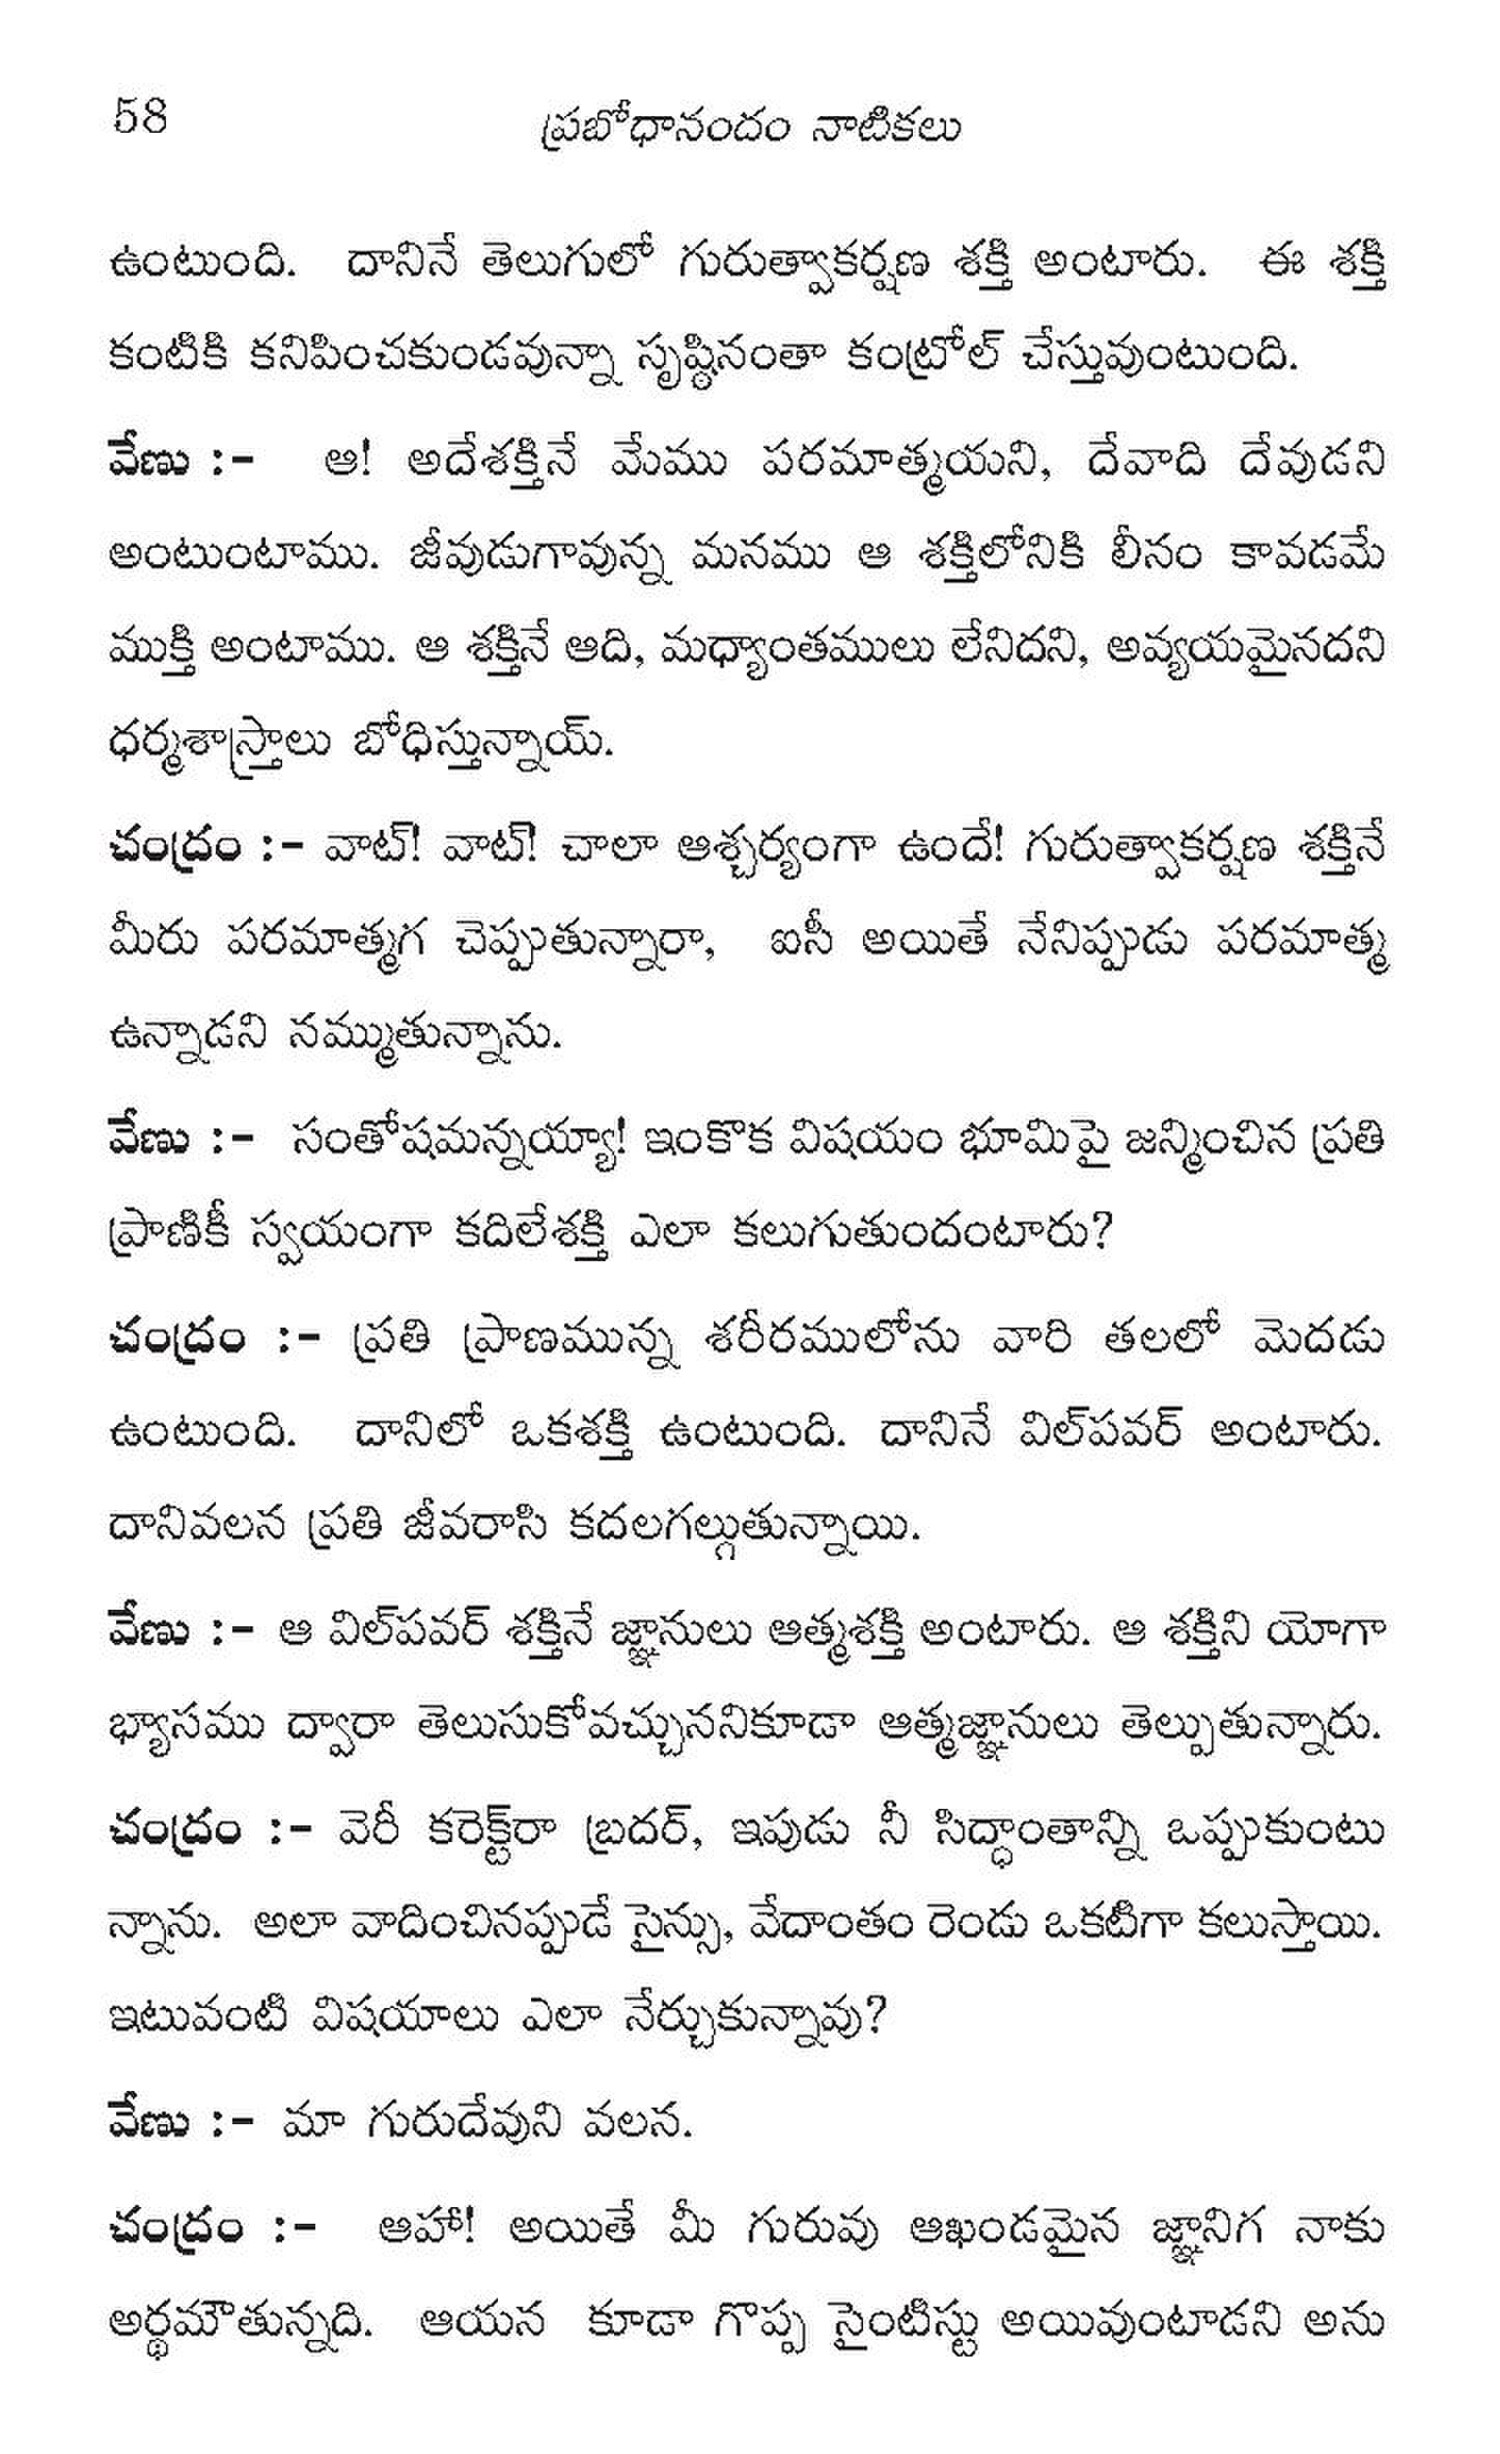ఉంటుంది. దానినే తెలుగులో గురుత్వాకర్షణ శక్తి అంటారు. ఈ శక్తి కంటికి కనిపించకుండవున్నా సృష్ఠినంతా కంట్రోల్‌ చేస్తువుంటుంది.

వేణు :-	ఆ! అదేశక్తినే మేము పరమాత్మయని, దేవాది దేవుడని అంటుంటాము. జీవుడుగావున్న మనము ఆ శక్తిలోనికి లీనం కావడమే ముక్తి అంటాము. ఆ శక్తినే ఆది, మధ్యాంతములు లేనిదని, అవ్యయమైనదని ధర్మశాస్త్రాలు బోధిస్తున్నాయ్‌.

చంద్రం :- వాట్‌! వాట్‌! చాలా ఆశ్చర్యంగా ఉందే! గురుత్వాకర్షణ శక్తినే మీరు పరమాత్మగ చెప్పుతున్నారా, ఐసీ అయితే నేనిప్పుడు పరమాత్మ ఉన్నాడని నమ్ముతున్నాను.

వేణు :-	 సంతోషమన్నయ్యా! ఇంకొక విషయం భూమిపై జన్మించిన ప్రతి ప్రాణికీ స్వయంగా కదిలేశక్తి ఎలా కలుగుతుందంటారు?

చంద్రం :- ప్రతి ప్రాణమున్న శరీరములోను వారి తలలో మెదడు ఉంటుంది. దానిలో ఒకశక్తి ఉంటుంది. దానినే విల్‌పవర్‌ అంటారు. దానివలన ప్రతి జీవరాసి కదలగల్గుతున్నాయి.

వేణు :-	 ఆ విల్‌పవర్‌ శక్తినే జ్ఞానులు ఆత్మశక్తి అంటారు. ఆ శక్తిని యోగా భ్యాసము ద్వారా తెలుసుకోవచ్చుననికూడా ఆత్మజ్ఞానులు తెల్పుతున్నారు. 

చంద్రం :- వెరీ కరెక్ట్‌రా బ్రదర్‌, ఇపుడు నీ సిద్ధాంతాన్ని ఒప్పుకుంటు న్నాను. అలా వాదించినప్పుడే సైన్సు, వేదాంతం రెండు ఒకటిగా కలుస్తాయి. ఇటువంటి విషయాలు ఎలా నేర్చుకున్నావు?

వేణు :-	 మా గురుదేవుని వలన.

చంద్రం :- ఆహా! అయితే మీ గురువు ఆఖండమైన జ్ఞానిగ నాకు అర్థమౌతున్నది. ఆయన కూడా గొప్ప సైంటిస్టు అయివుంటాడని అను